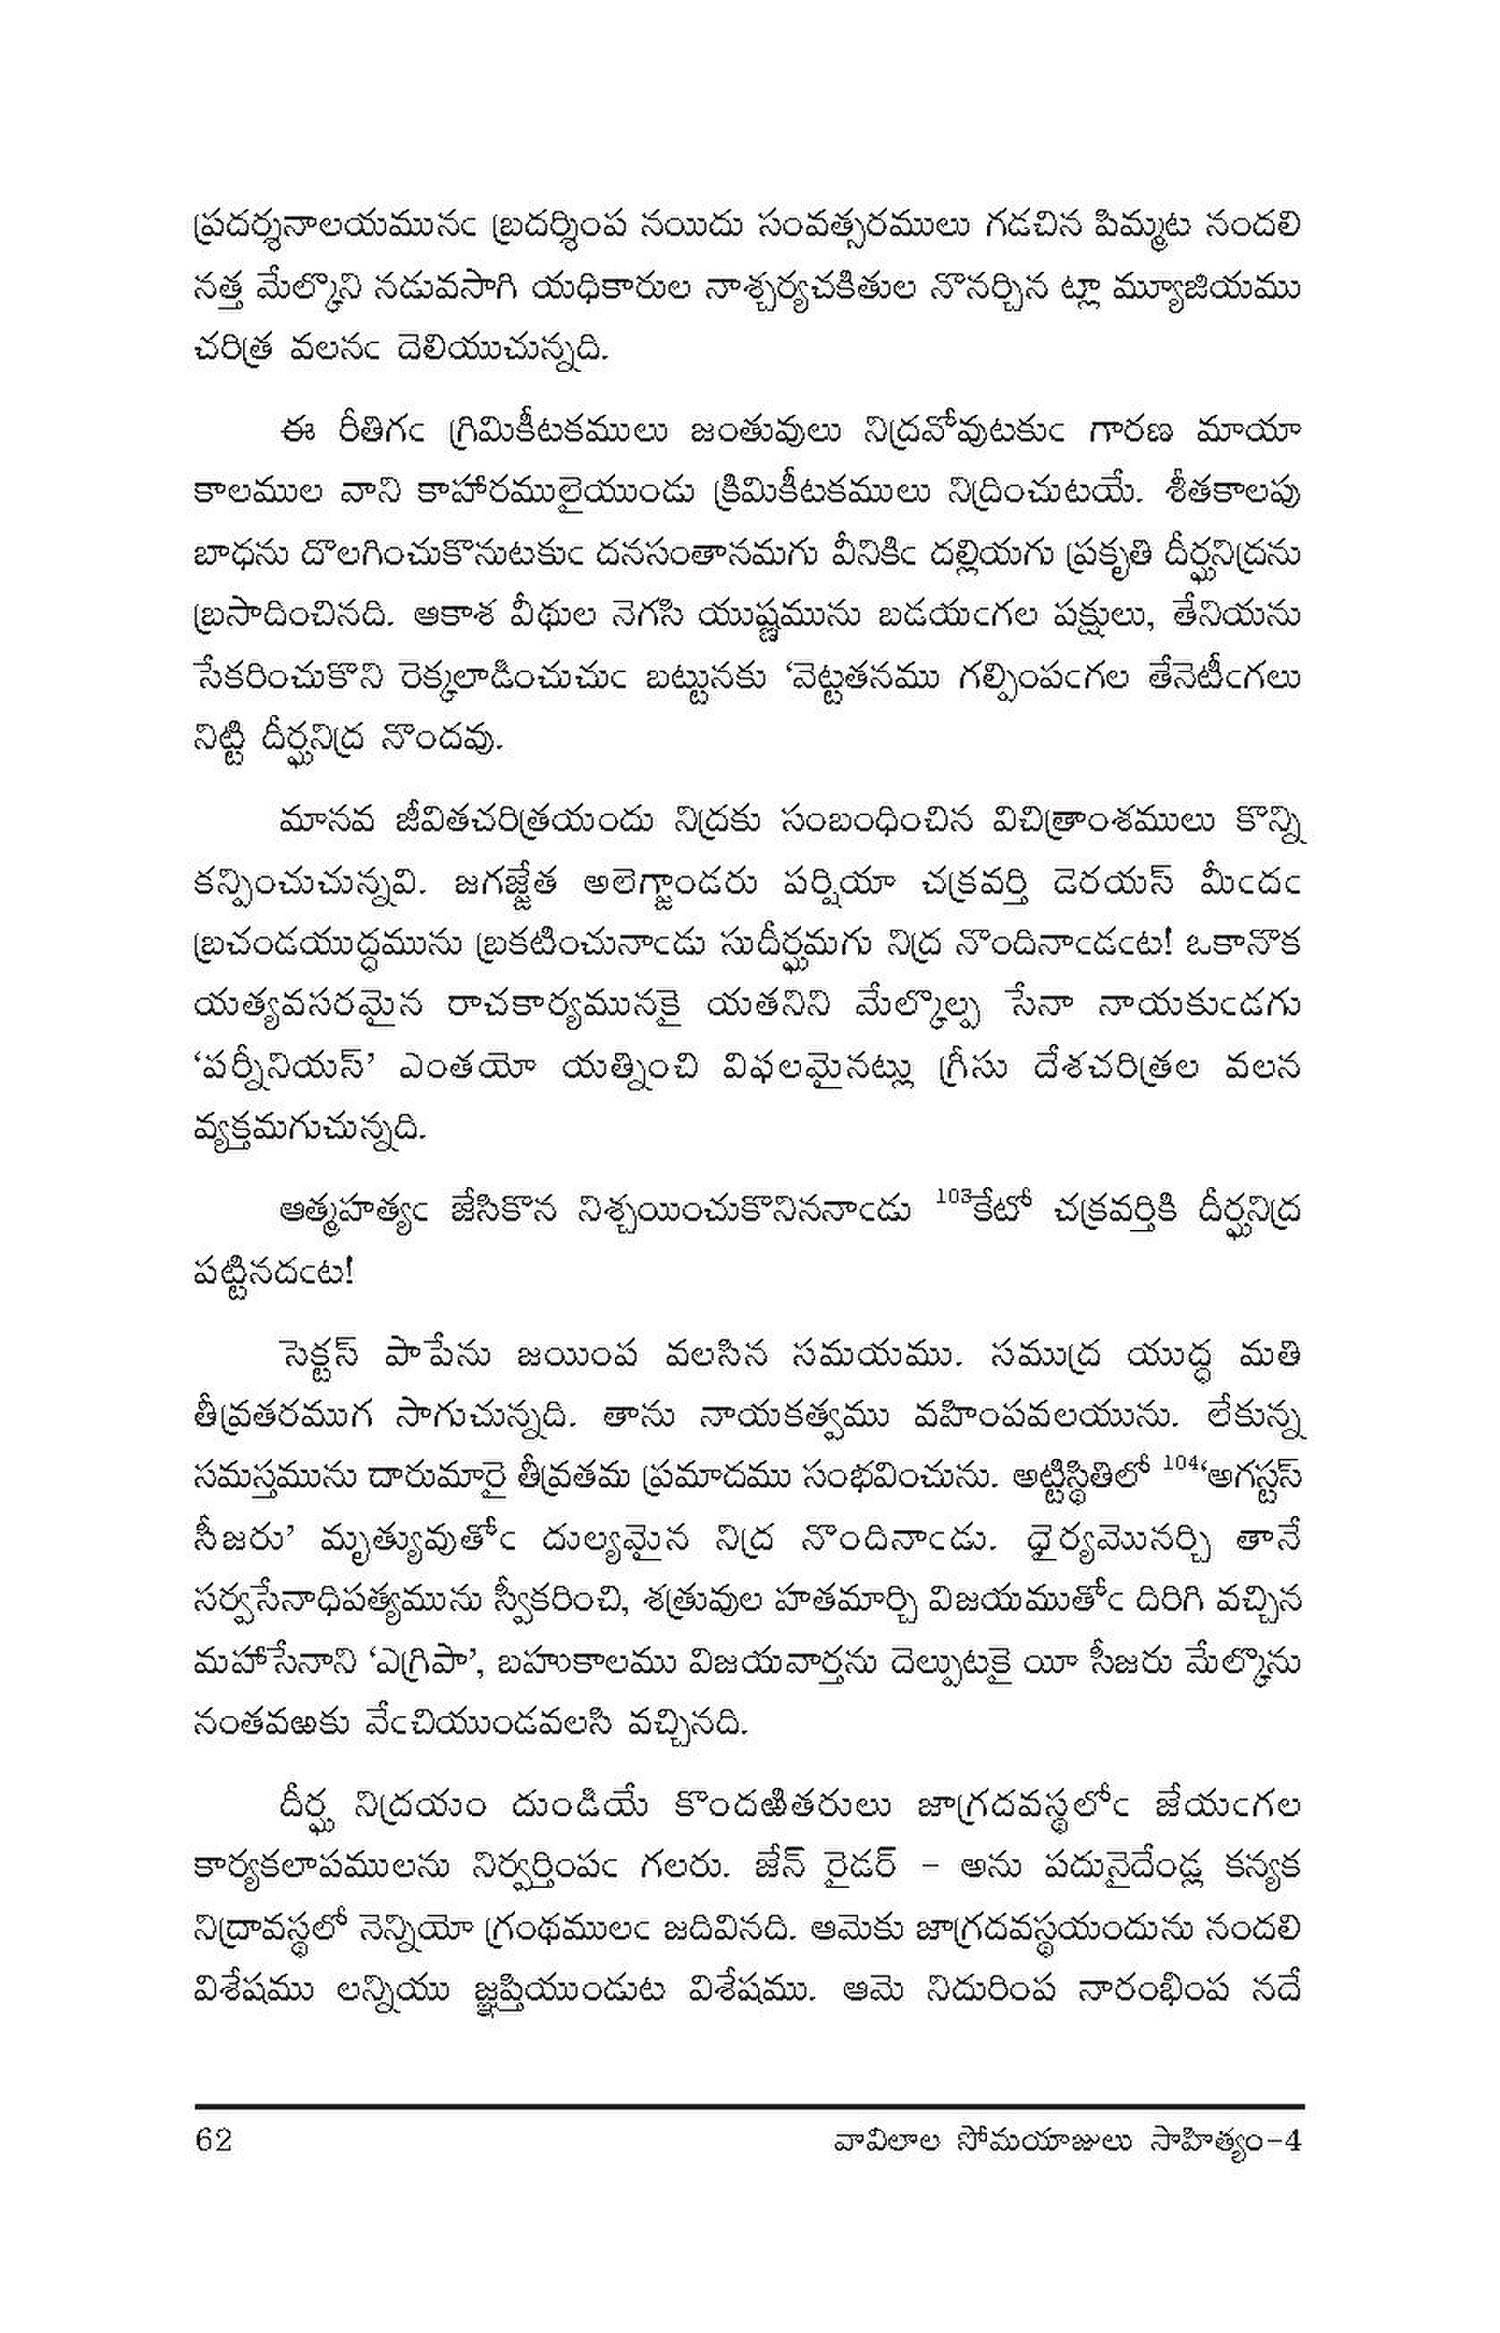ప్రదర్శనాలయమునఁ బ్రదర్శింప నయిదు సంవత్సరములు గడచిన పిమ్మట నందలి
నత్త మేల్కొని నడువసాగి యధికారులు నాశ్చర్యచకితుల నొనర్చిన ట్లా మ్యూజియము
చరిత్ర వలనఁ దెలియుచున్నది.

ఈ రీతిగఁ గ్రిమికీటకములు జంతువులు నిద్రవోవుటకుఁ గారణ మాయా
కాలముల వాని కాహారములైయుండు క్రిమికీటకములు నిద్రించుటయే. శీతకాలపు
బాధను దొలగించుకొనుటకుఁ దనసంతానమగు వీనికిఁ దల్లియగు ప్రకృతి దీర్ఘనిద్రను
బ్రసాదించినది. ఆకాశ వీథుల నెగసి యుష్ణమును బడయఁగల పక్షులు, తేనియను
సేకరించుకొని రెక్కలాడించుచుఁ బట్టునకు 'వెట్టతనము గల్పింపఁగల తేనెటీఁగలు
నిట్టి దీర్ఘనిద్ర నొందవు.

మానవ జీవితచరిత్రయందు నిద్రకు సంబంధించిన విచిత్రాంశములు కొన్ని
కన్పించుచున్నవి. జగజ్జేత అలెగ్జాండరు పర్షియా చక్రవర్తి డెరయస్ మీఁదఁ
బ్రచండయుద్ధమును బ్రకటించునాఁడు సుదీర్ఘమగు నిద్ర నొందినాఁడఁట! ఒకానొక
యత్యవసరమైన రాచకార్యమునకై యతనిని మేల్కొల్ప సేనా నాయకుఁడగు
'పర్నీనియస్' ఎంతయో యత్నించి విఫలమైనట్లు గ్రీసు దేశచరిత్రల వలన
వ్యక్తమగుచున్నది.

ఆత్మహత్యఁ జేసికొన నిశ్చయించుకొనిననాఁడు కేటో చక్రవర్తికి దీర్ఘనిద్ర
పట్టినదట 

సెక్టస్ పాపేను జయింప వలసిన సమయము. సముద్ర యుద్ధ మతి
తీవ్రతరముగ సాగుచున్నది. తాను నాయకత్వము వహింపవలయును. లేకున్న
సమస్తమును దారుమారై తీవ్రతమ ప్రమాదము సంభవించును. అట్టిస్థితిలో ‘అగస్టస్
సీజరు' మృత్యువుతోఁ దుల్యమైన నిద్ర నొందినాఁడు. ధైర్యమొనర్చి తానే
సర్వసేనాధిపత్యమును స్వీకరించి, శత్రువుల హతమార్చి విజయముతోఁ దిరిగి వచ్చిన
మహాసేనాని ‘ఎగ్రిపా’, బహుకాలము విజయవార్తను దెల్పుటకై యీ సీజరు మేల్కొను
నంతవఱకు వేఁచియుండవలసి వచ్చినది.

దీర్ఘ నిద్రయం దుండియే కొందఱితరులు జాగ్రదవస్థలోఁ జేయఁగల
కార్యకలాపములను నిర్వర్తింపఁ గలరు. జేన్ రైడర్ - అను పదునైదేండ్ల కన్యక
నిద్రావస్థలో నెన్నియో గ్రంథములఁ జదివినది. ఆమెకు జాగ్రదవస్థయందును నందలి
విశేషము లన్నియు జ్ఞప్తియుండుట విశేషము. ఆమె నిదురింప నారంభింప నదే